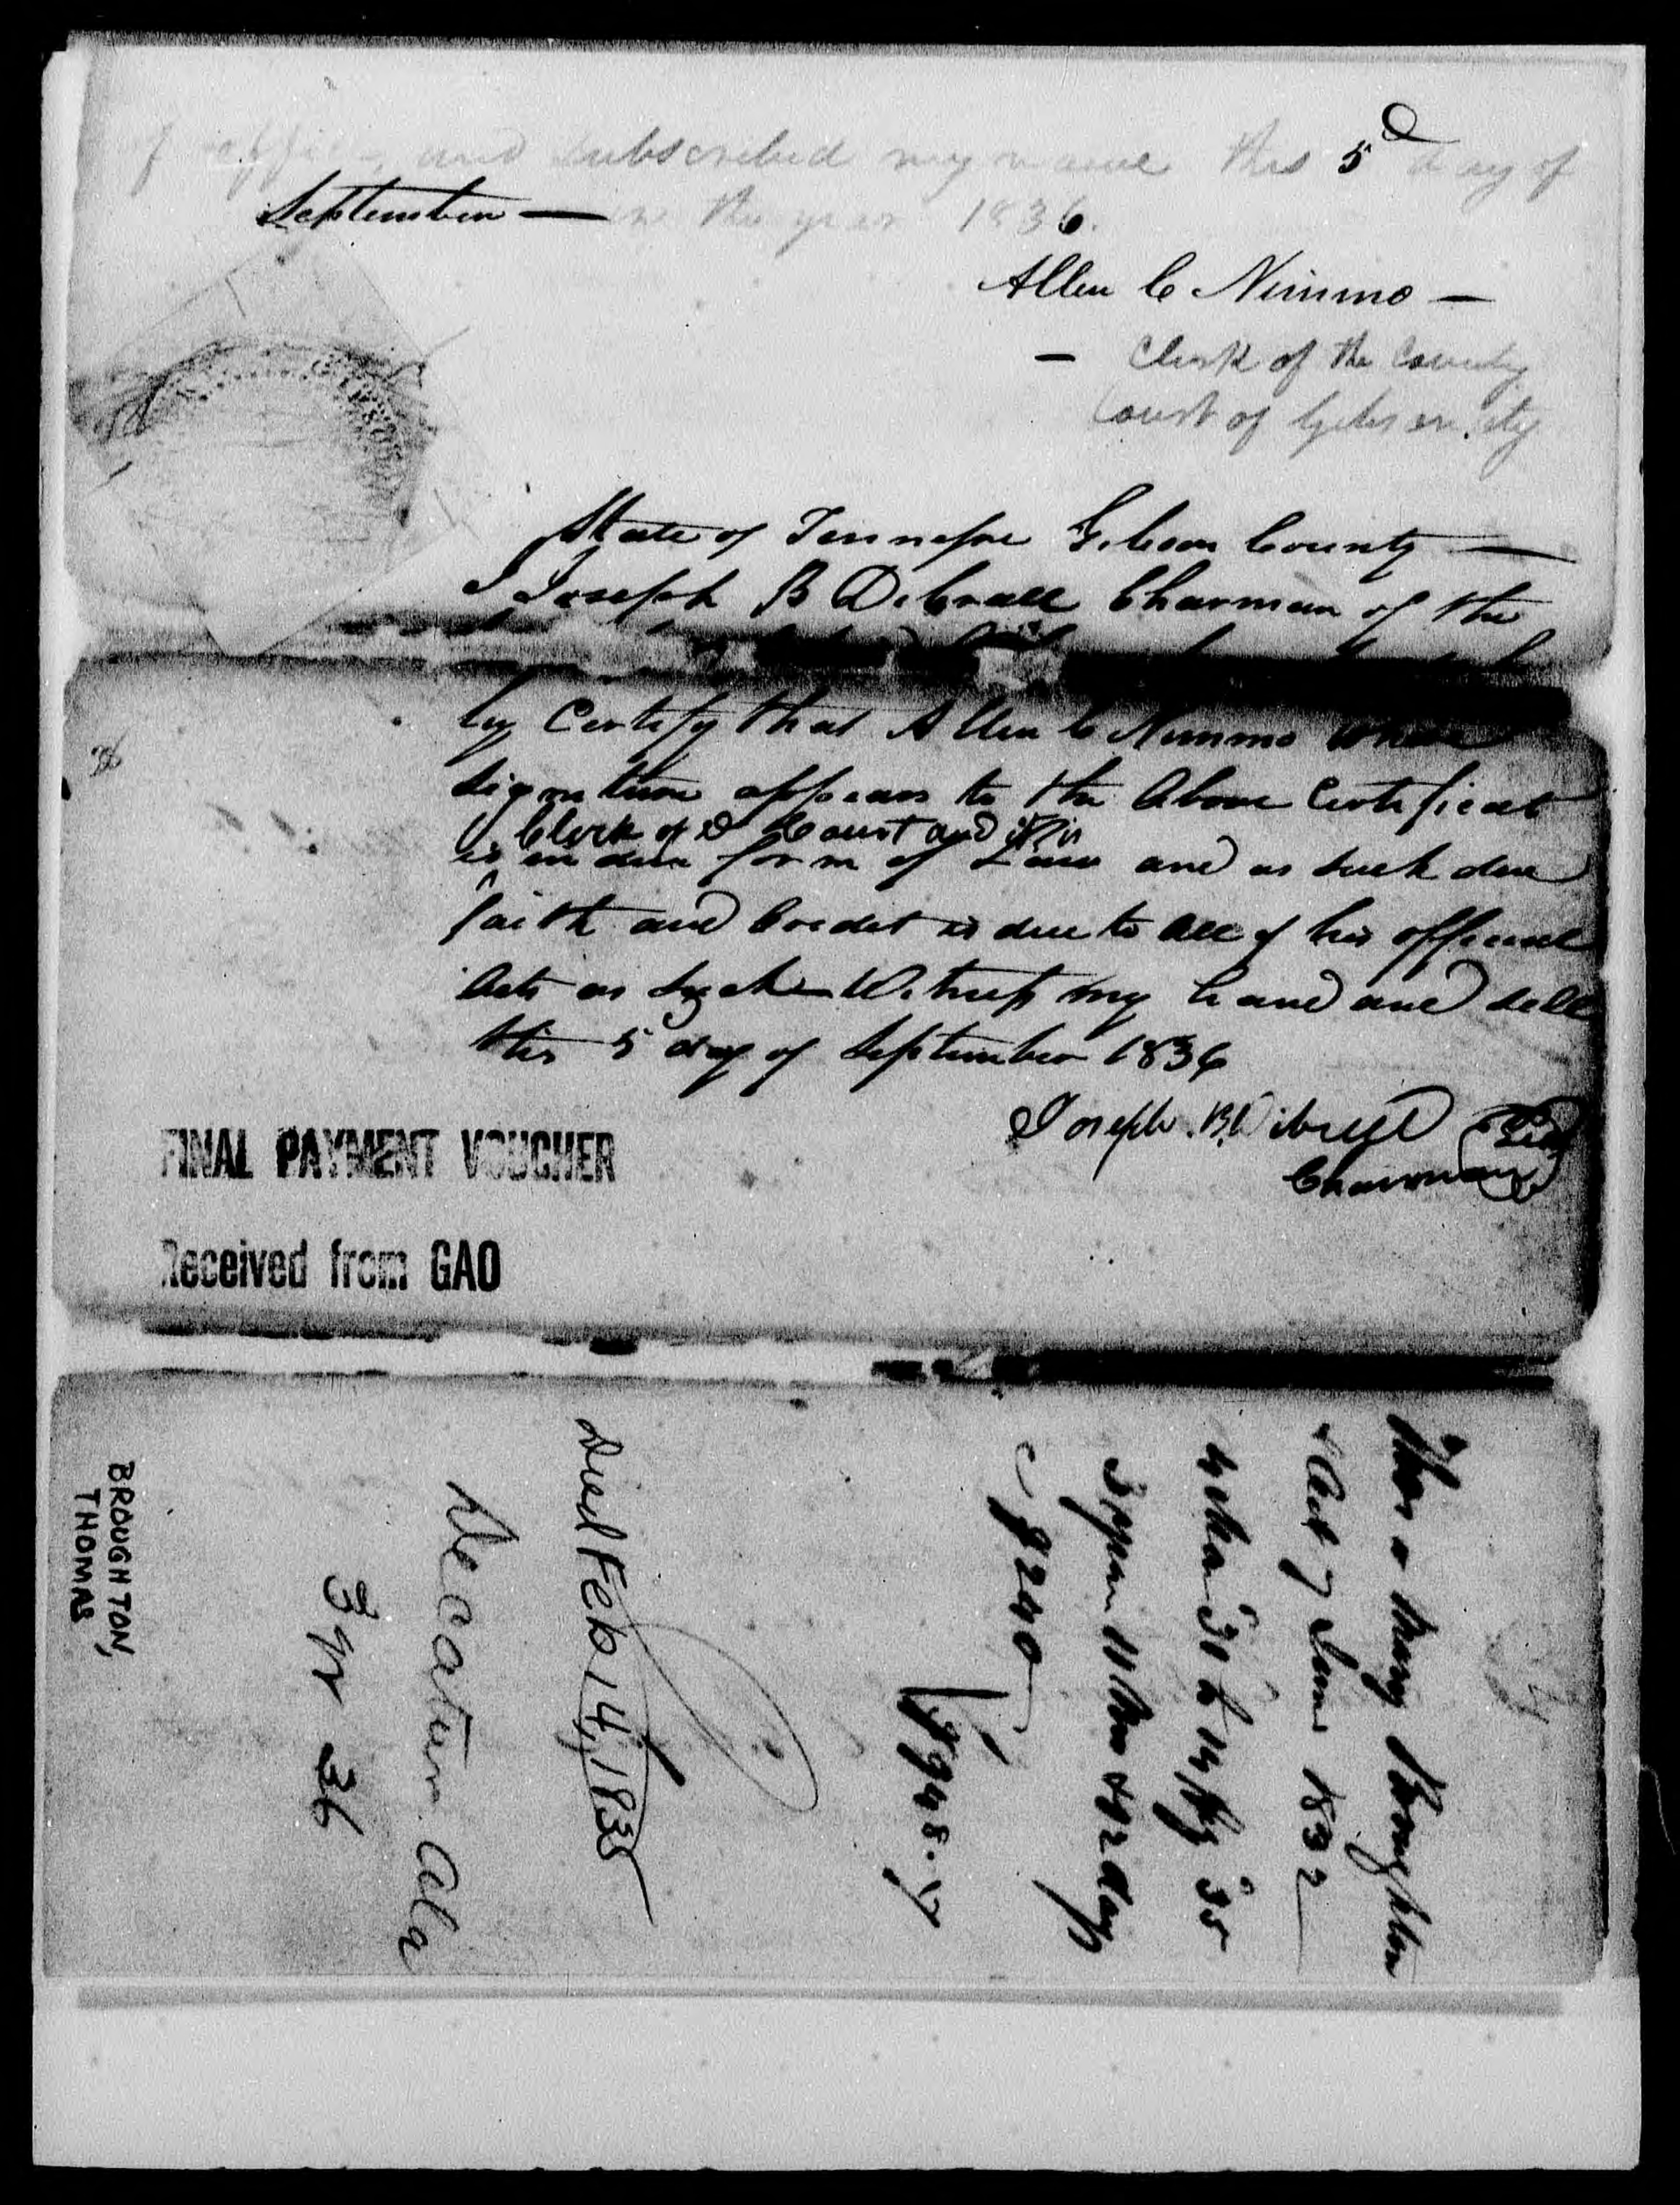of THOMAS
BROUGHTON,


of office and Subscribed my name this 5th day of
September in this year  1836
Allen C Nimmo
Clerk of the County
Court of Gibson  cty

SEAL

State of Tennessee Gibson County - 
Joseph B Dibrell Chairman of the
[illegible]
by certify that Allen C Nimmo whose
signature appears to the above certificate
is Clerk of court and [illegible] in due form 
of law and as such due
faith and credit is due to [illegible] of his office
acts as such.   Witness my hand and [illegible]
this 5 day of September 1836
Joseph B. Dibrall SEAL
Charman
FINAL PAYMENT VOUCHER
Received from GAO
Tho. & Mary Broughton
Act 7 June 1832
[illegible] '30 to 14 Feby '35
3 years  11 Mos & 2 days
- $240
[illegible]
C
Died Feb 14, 
Decatur Ala
3 yr 36

Broughton, 
Thomas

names: Mary Broughton, Joseph B Dibrell, Joseph B Dibrall, Allen C Nimmo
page: 37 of 72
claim: widow's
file: W. 897, Thomas Broughton, S.C.